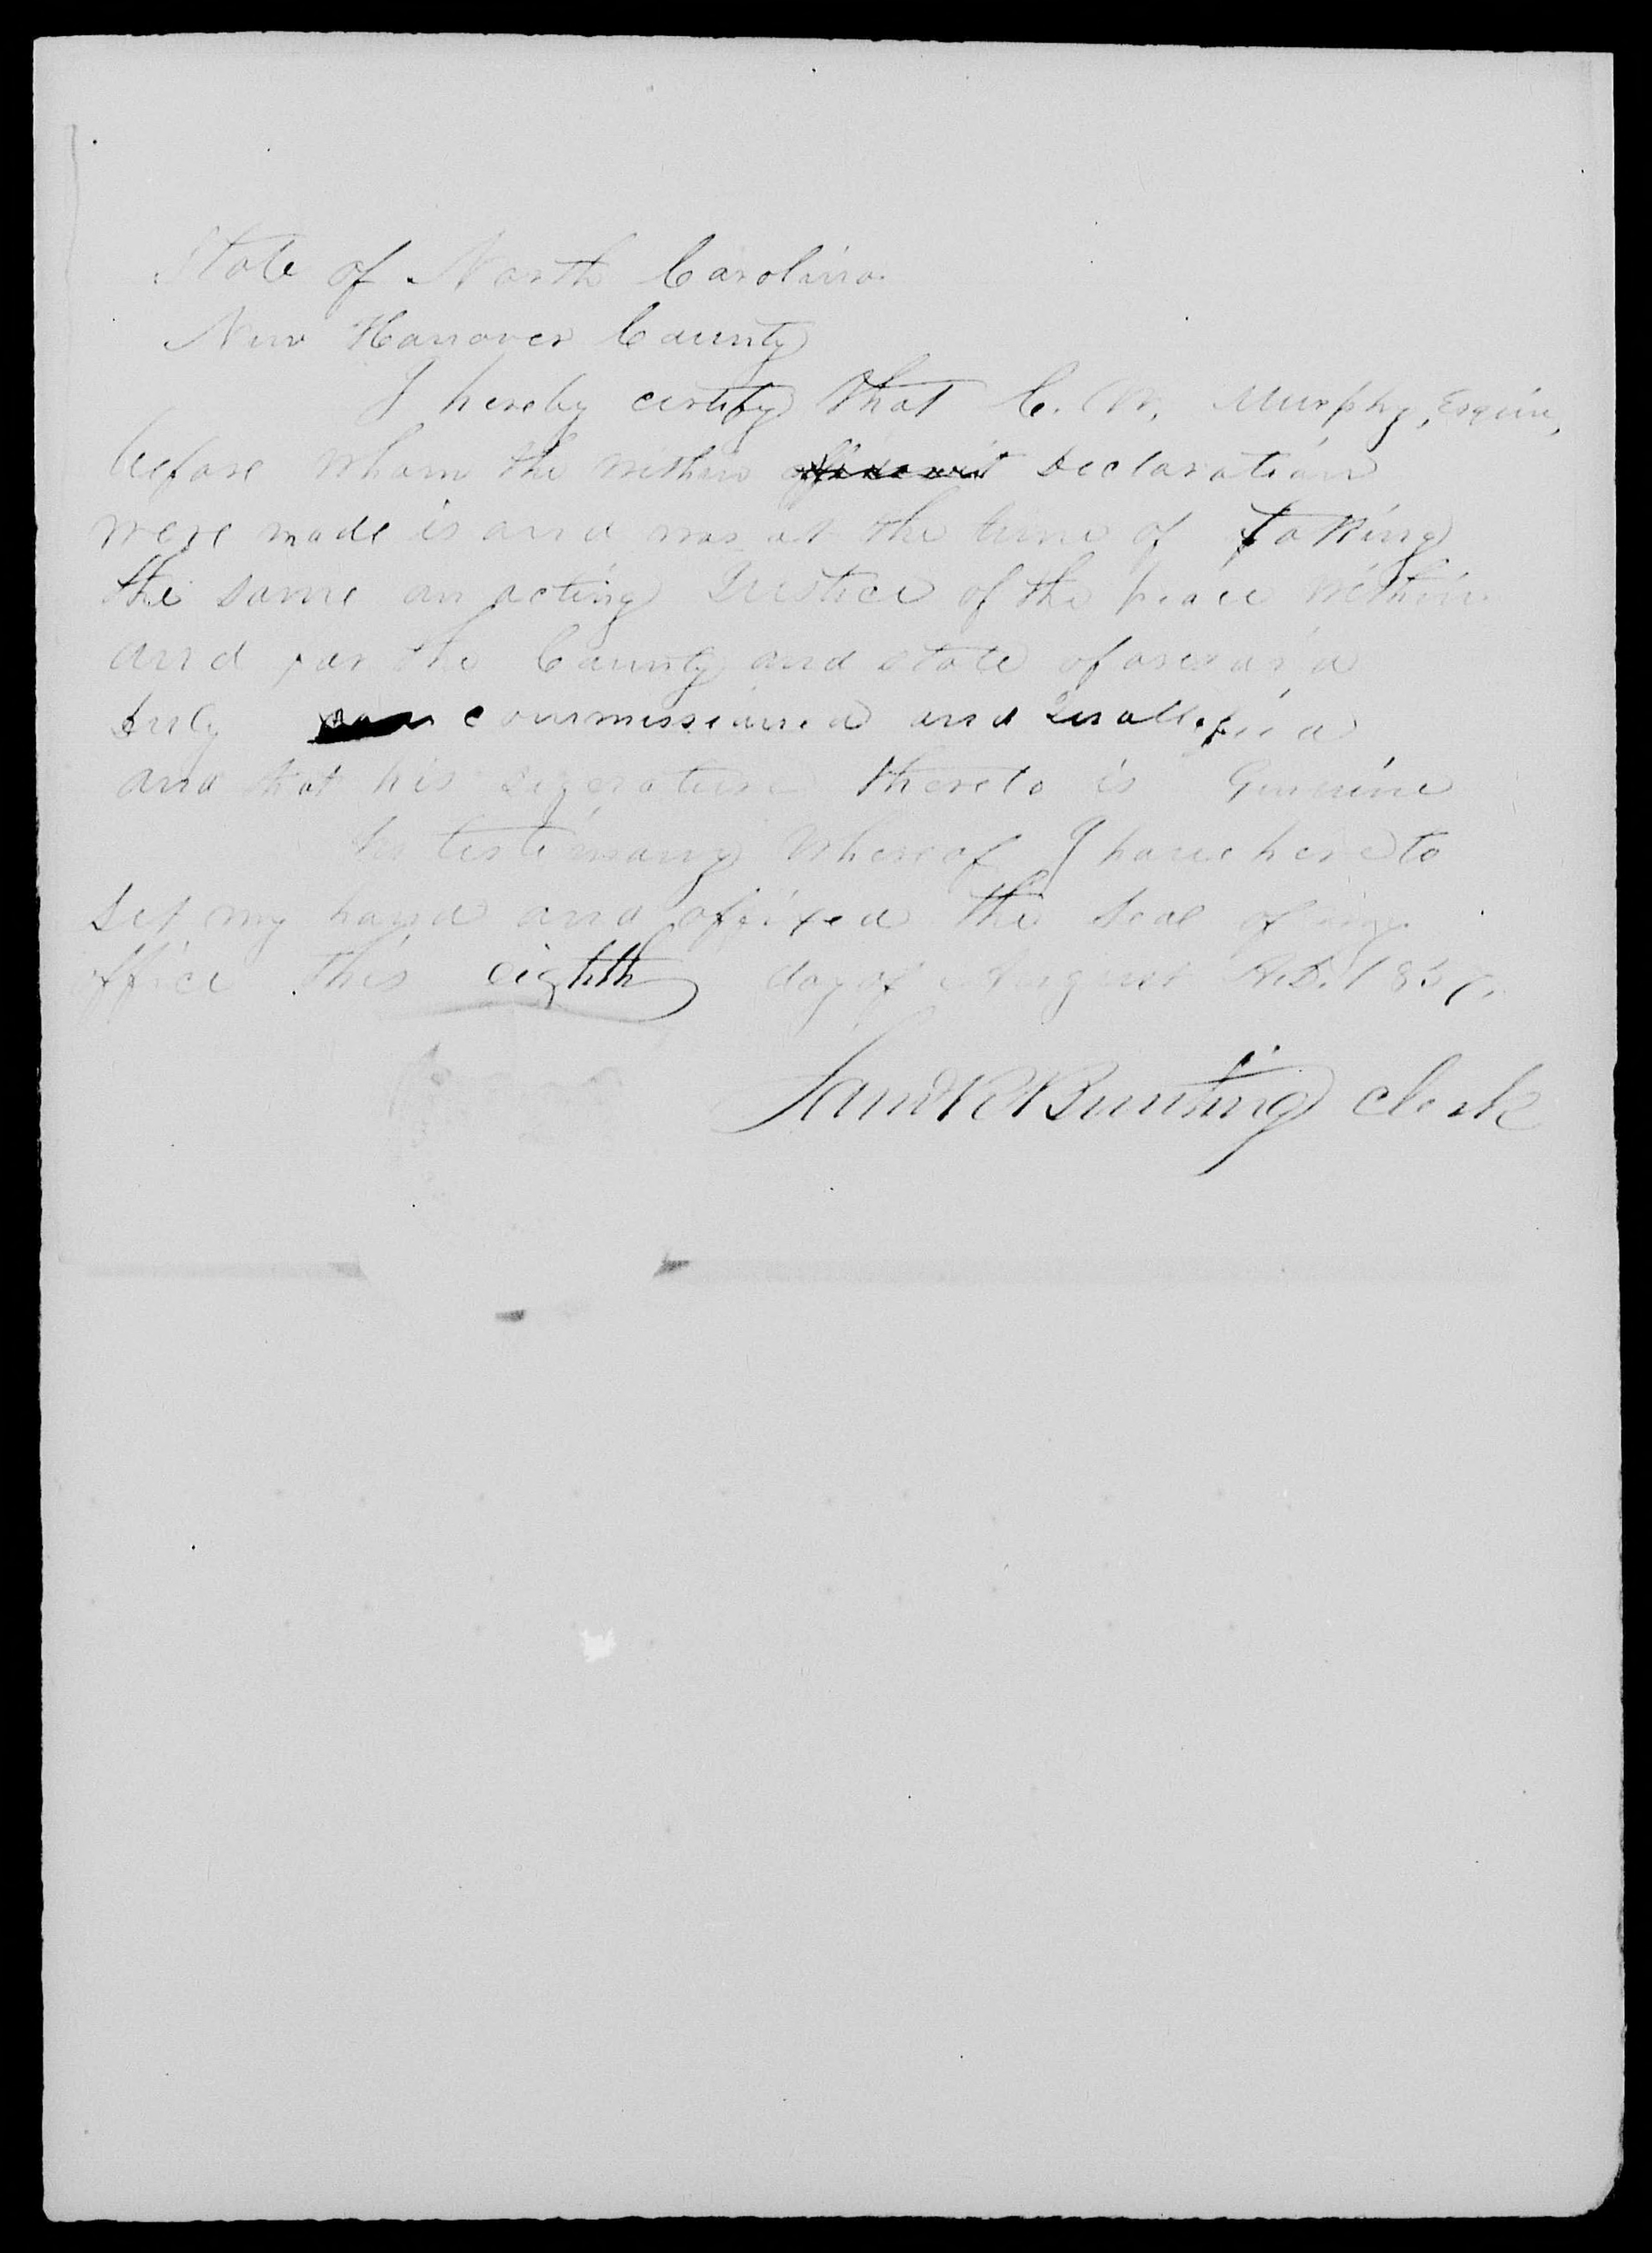State of North Carolina
New Hanover County
             I hereby certify that C.W. Murphy, Esquire before whom the within [crossout] Declaration was made is and was at the time of taking the same an acting Justice of the peace within and for the County and state aforesaid duly [crossout] commissioned and qualified and that his signature thereto is genuine
             In testimony whereof I have hereto set my and and affixed the Seal of my office this eighth day of August A.D. 1857
                        [Signature] Sam'l R Bunting Clerk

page: 32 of 40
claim: widow's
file: W. 5304, for Zachariah Jacobs, North Carolina